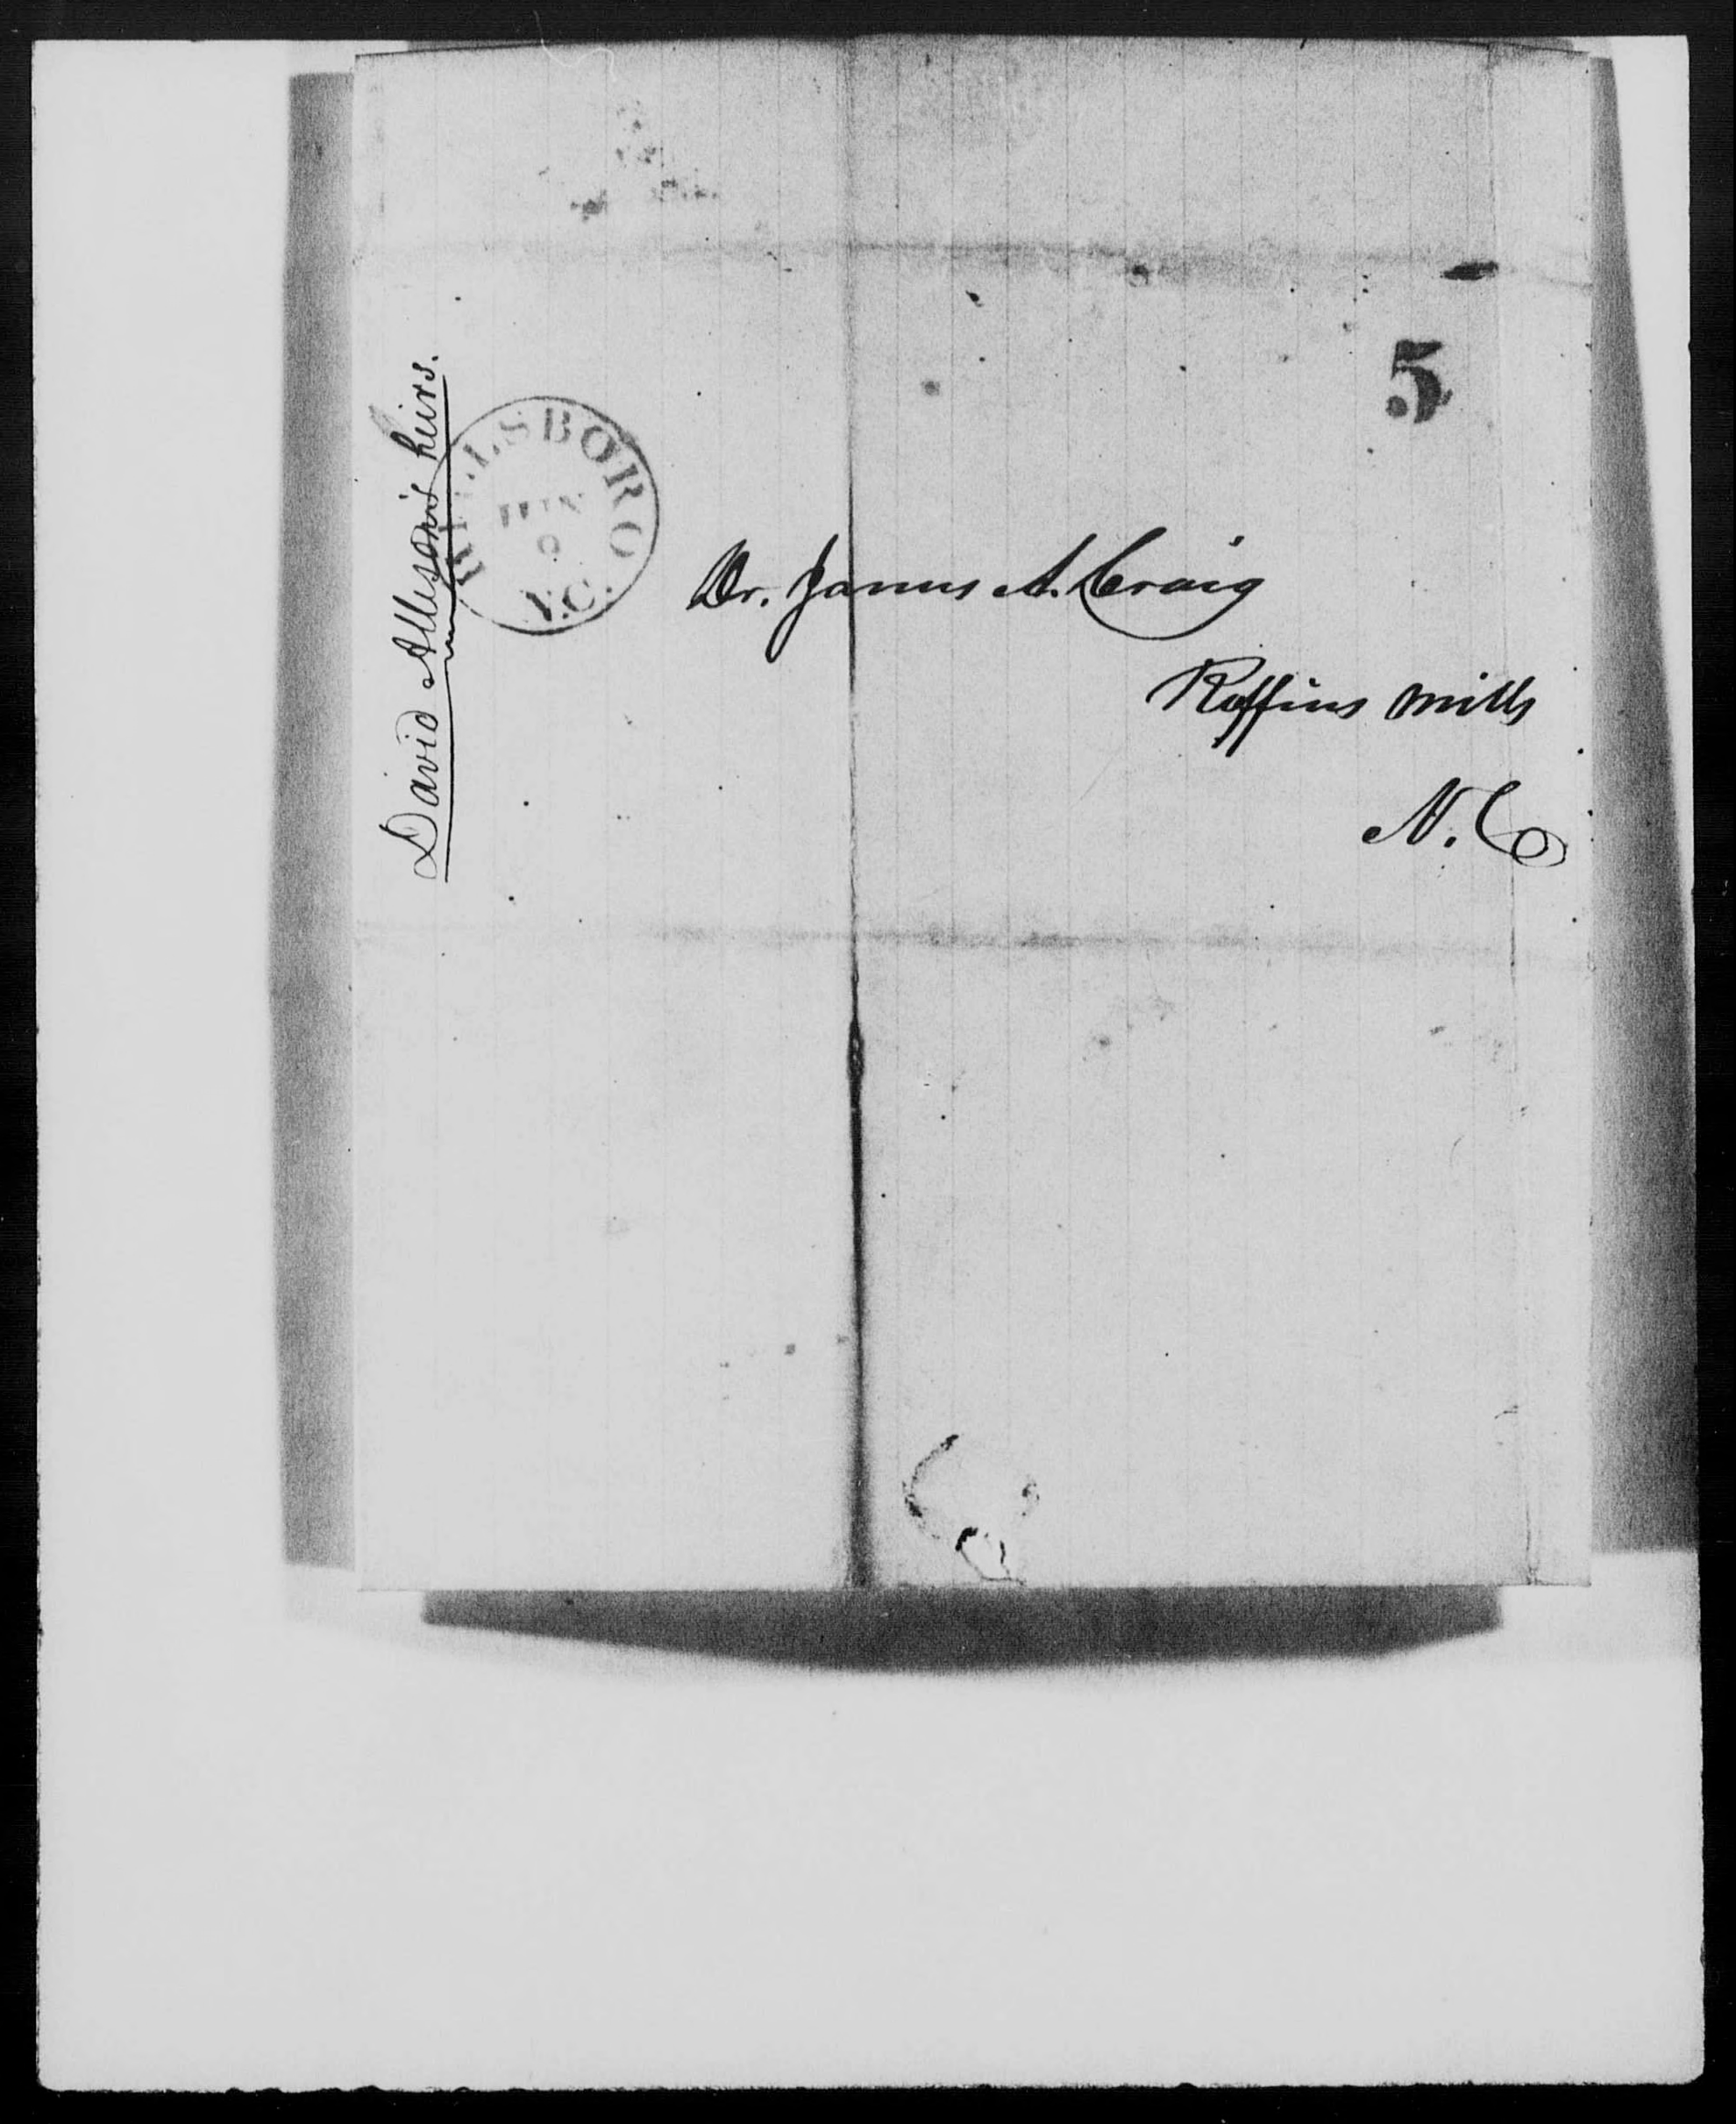(Writted sideways:) David Allison's Heirs. 
(Stamp) HILLSBORO N.C. 

Dr. James A Craig 
Ruffins smith 
N.C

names: James A Craig, David Allison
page: 29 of 33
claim: rejected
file: R. 155, David Allison, N.C.